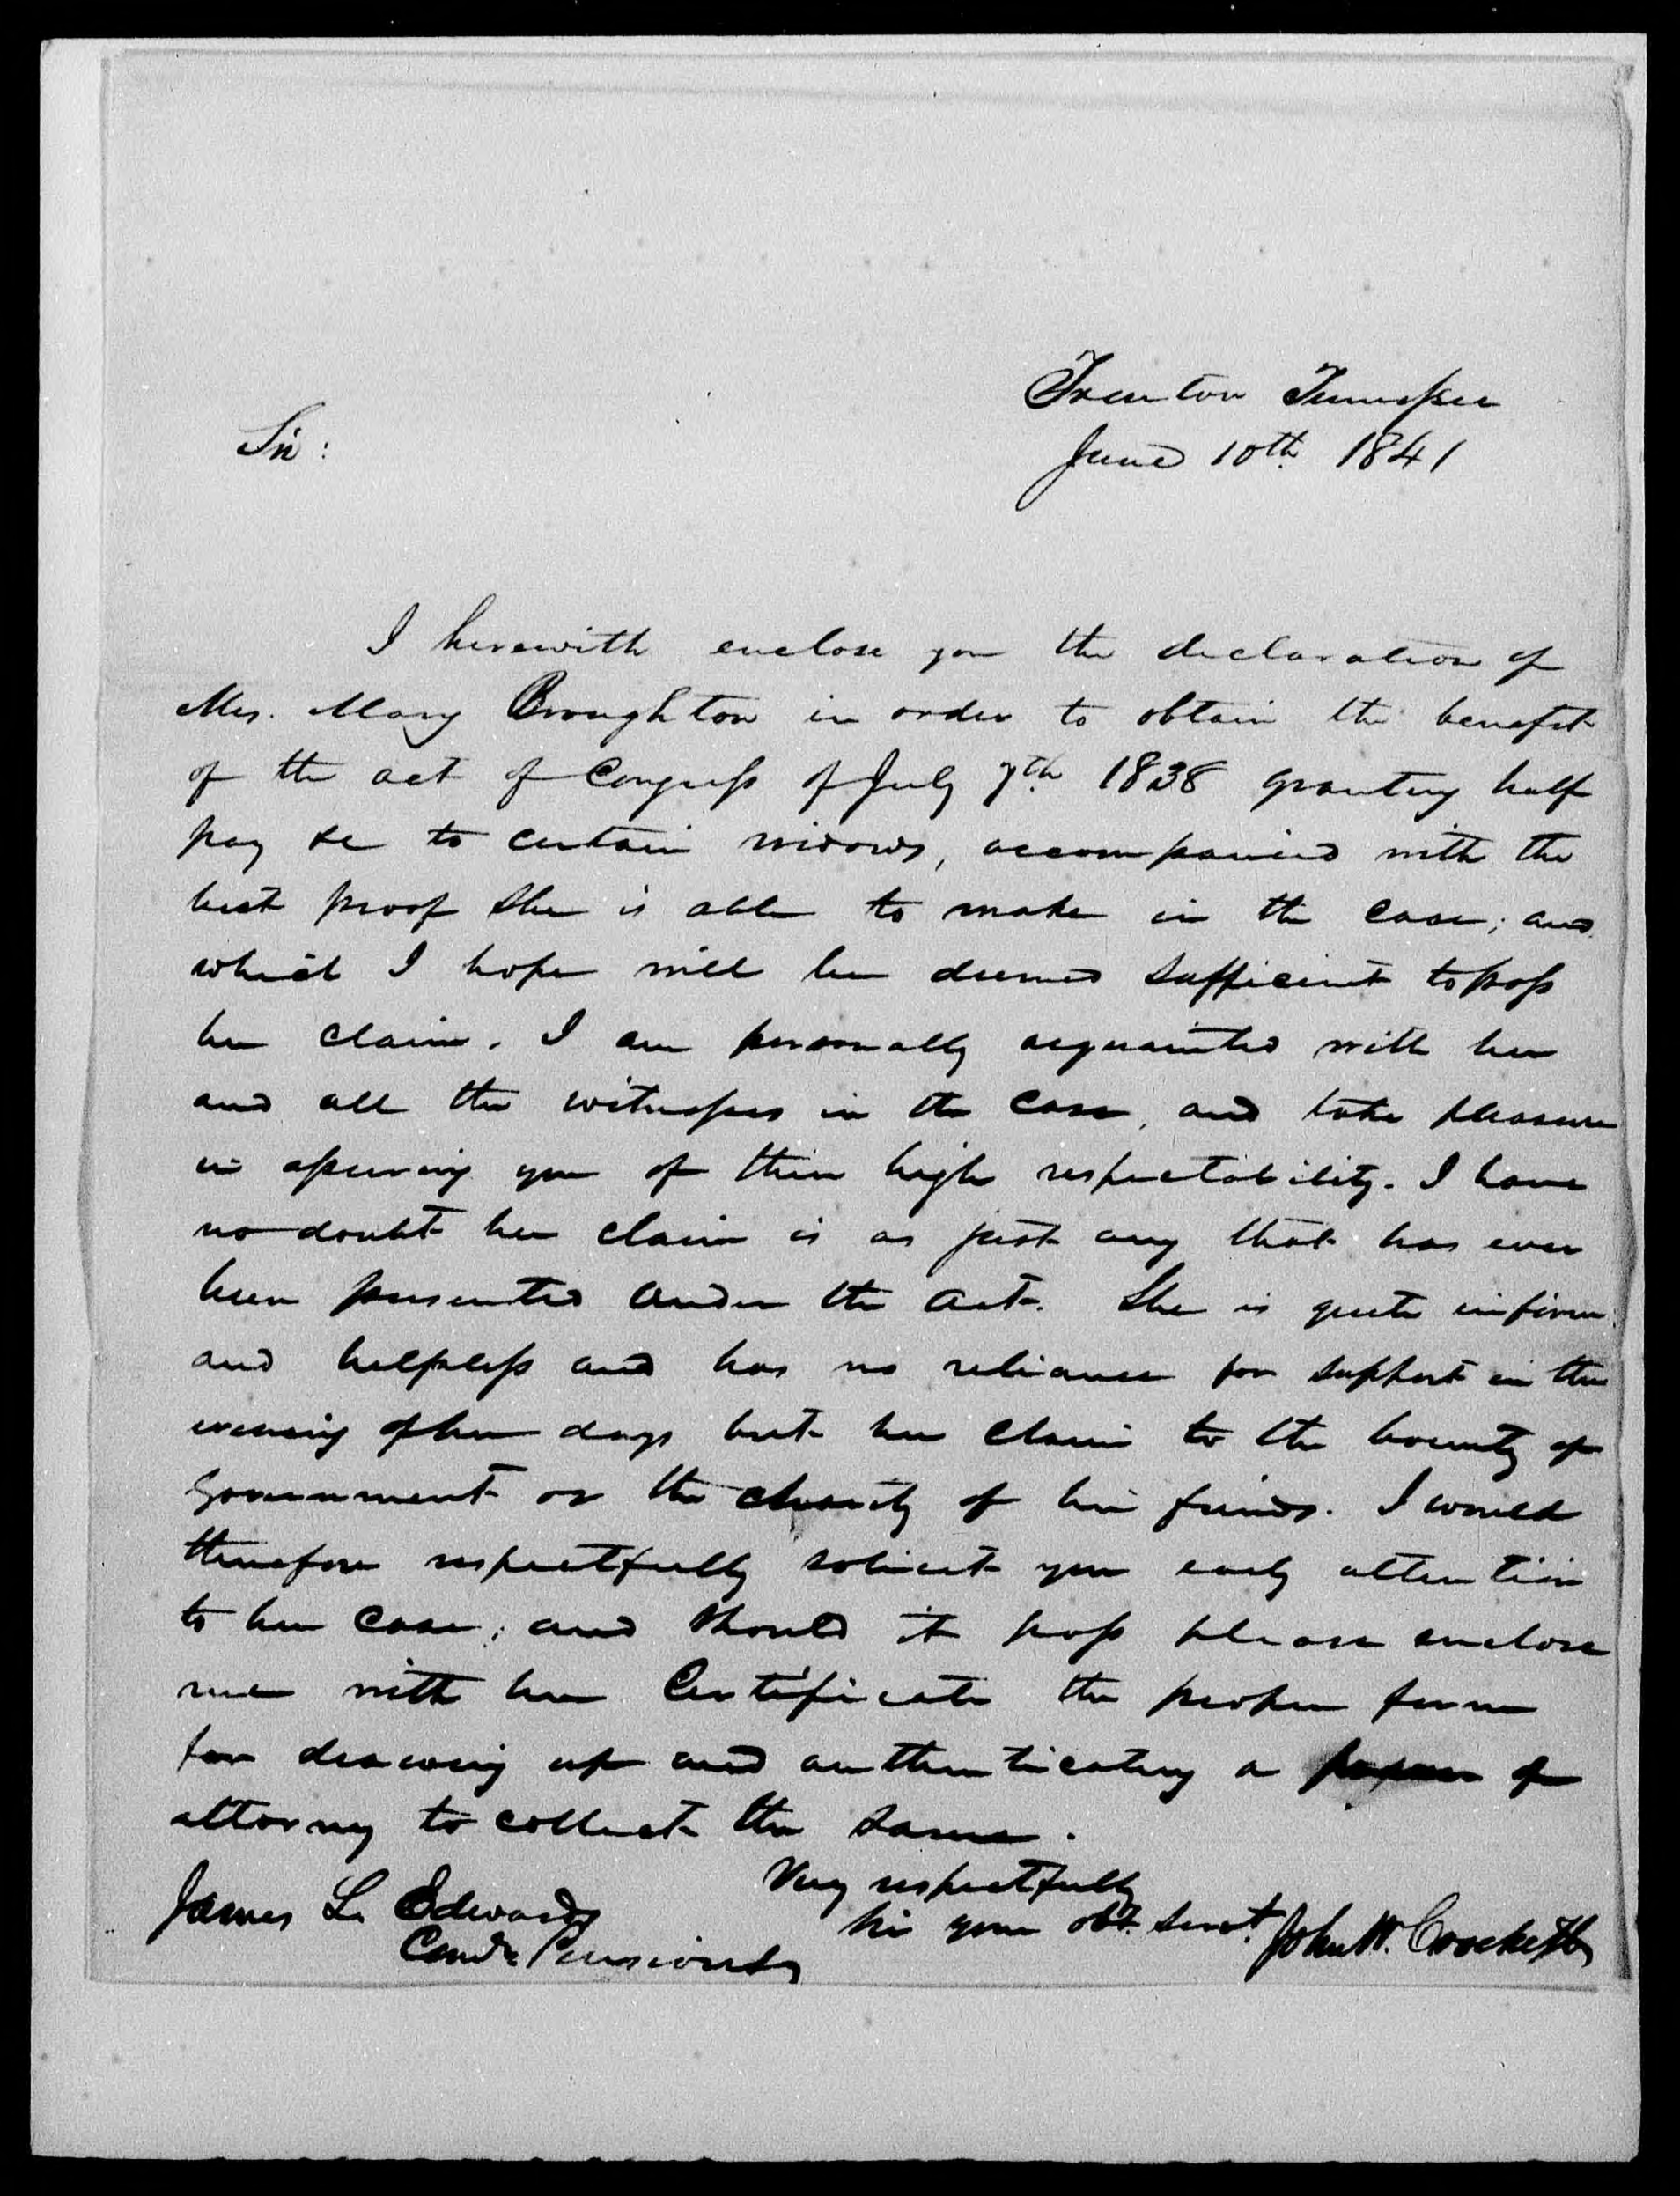Trenton Tennessee
June 10th, 1841
Sir:
I herewith enclose you the declaration of Mrs. Mary Broughton in order to obtain the benefit of the act of Congress of July 7th 1838 granting half pay &c to certain widows, accompanied with the best proof she is able to make in the case; and, which I hope will be deemed sufficient to pass her claim. I am personally acquainted with her and all the witnesses in the case, and take pleasure in assuring you of their high respectability. I have no doubt her claim is as just any that has ever been presented and in the act. She is quite infirm and helpless and has no reliance for support in [illegible] of her days but her claim to the bounty of government or the charity of her friends. I would therefore respectfully solicit your early attention to her case, and should it pass please enclose me with her Certificate the proper forms for drawing up and authenticating a paper of attorney to collect the same.
Very respectfully
his your obt. Servt. 
John W. Crockett

James L. Edwards
Court of Pensions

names: Mary Broughton, John W Crockett, James L Edwards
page: 62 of 72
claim: widow's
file: W. 897, Thomas Broughton, S.C.